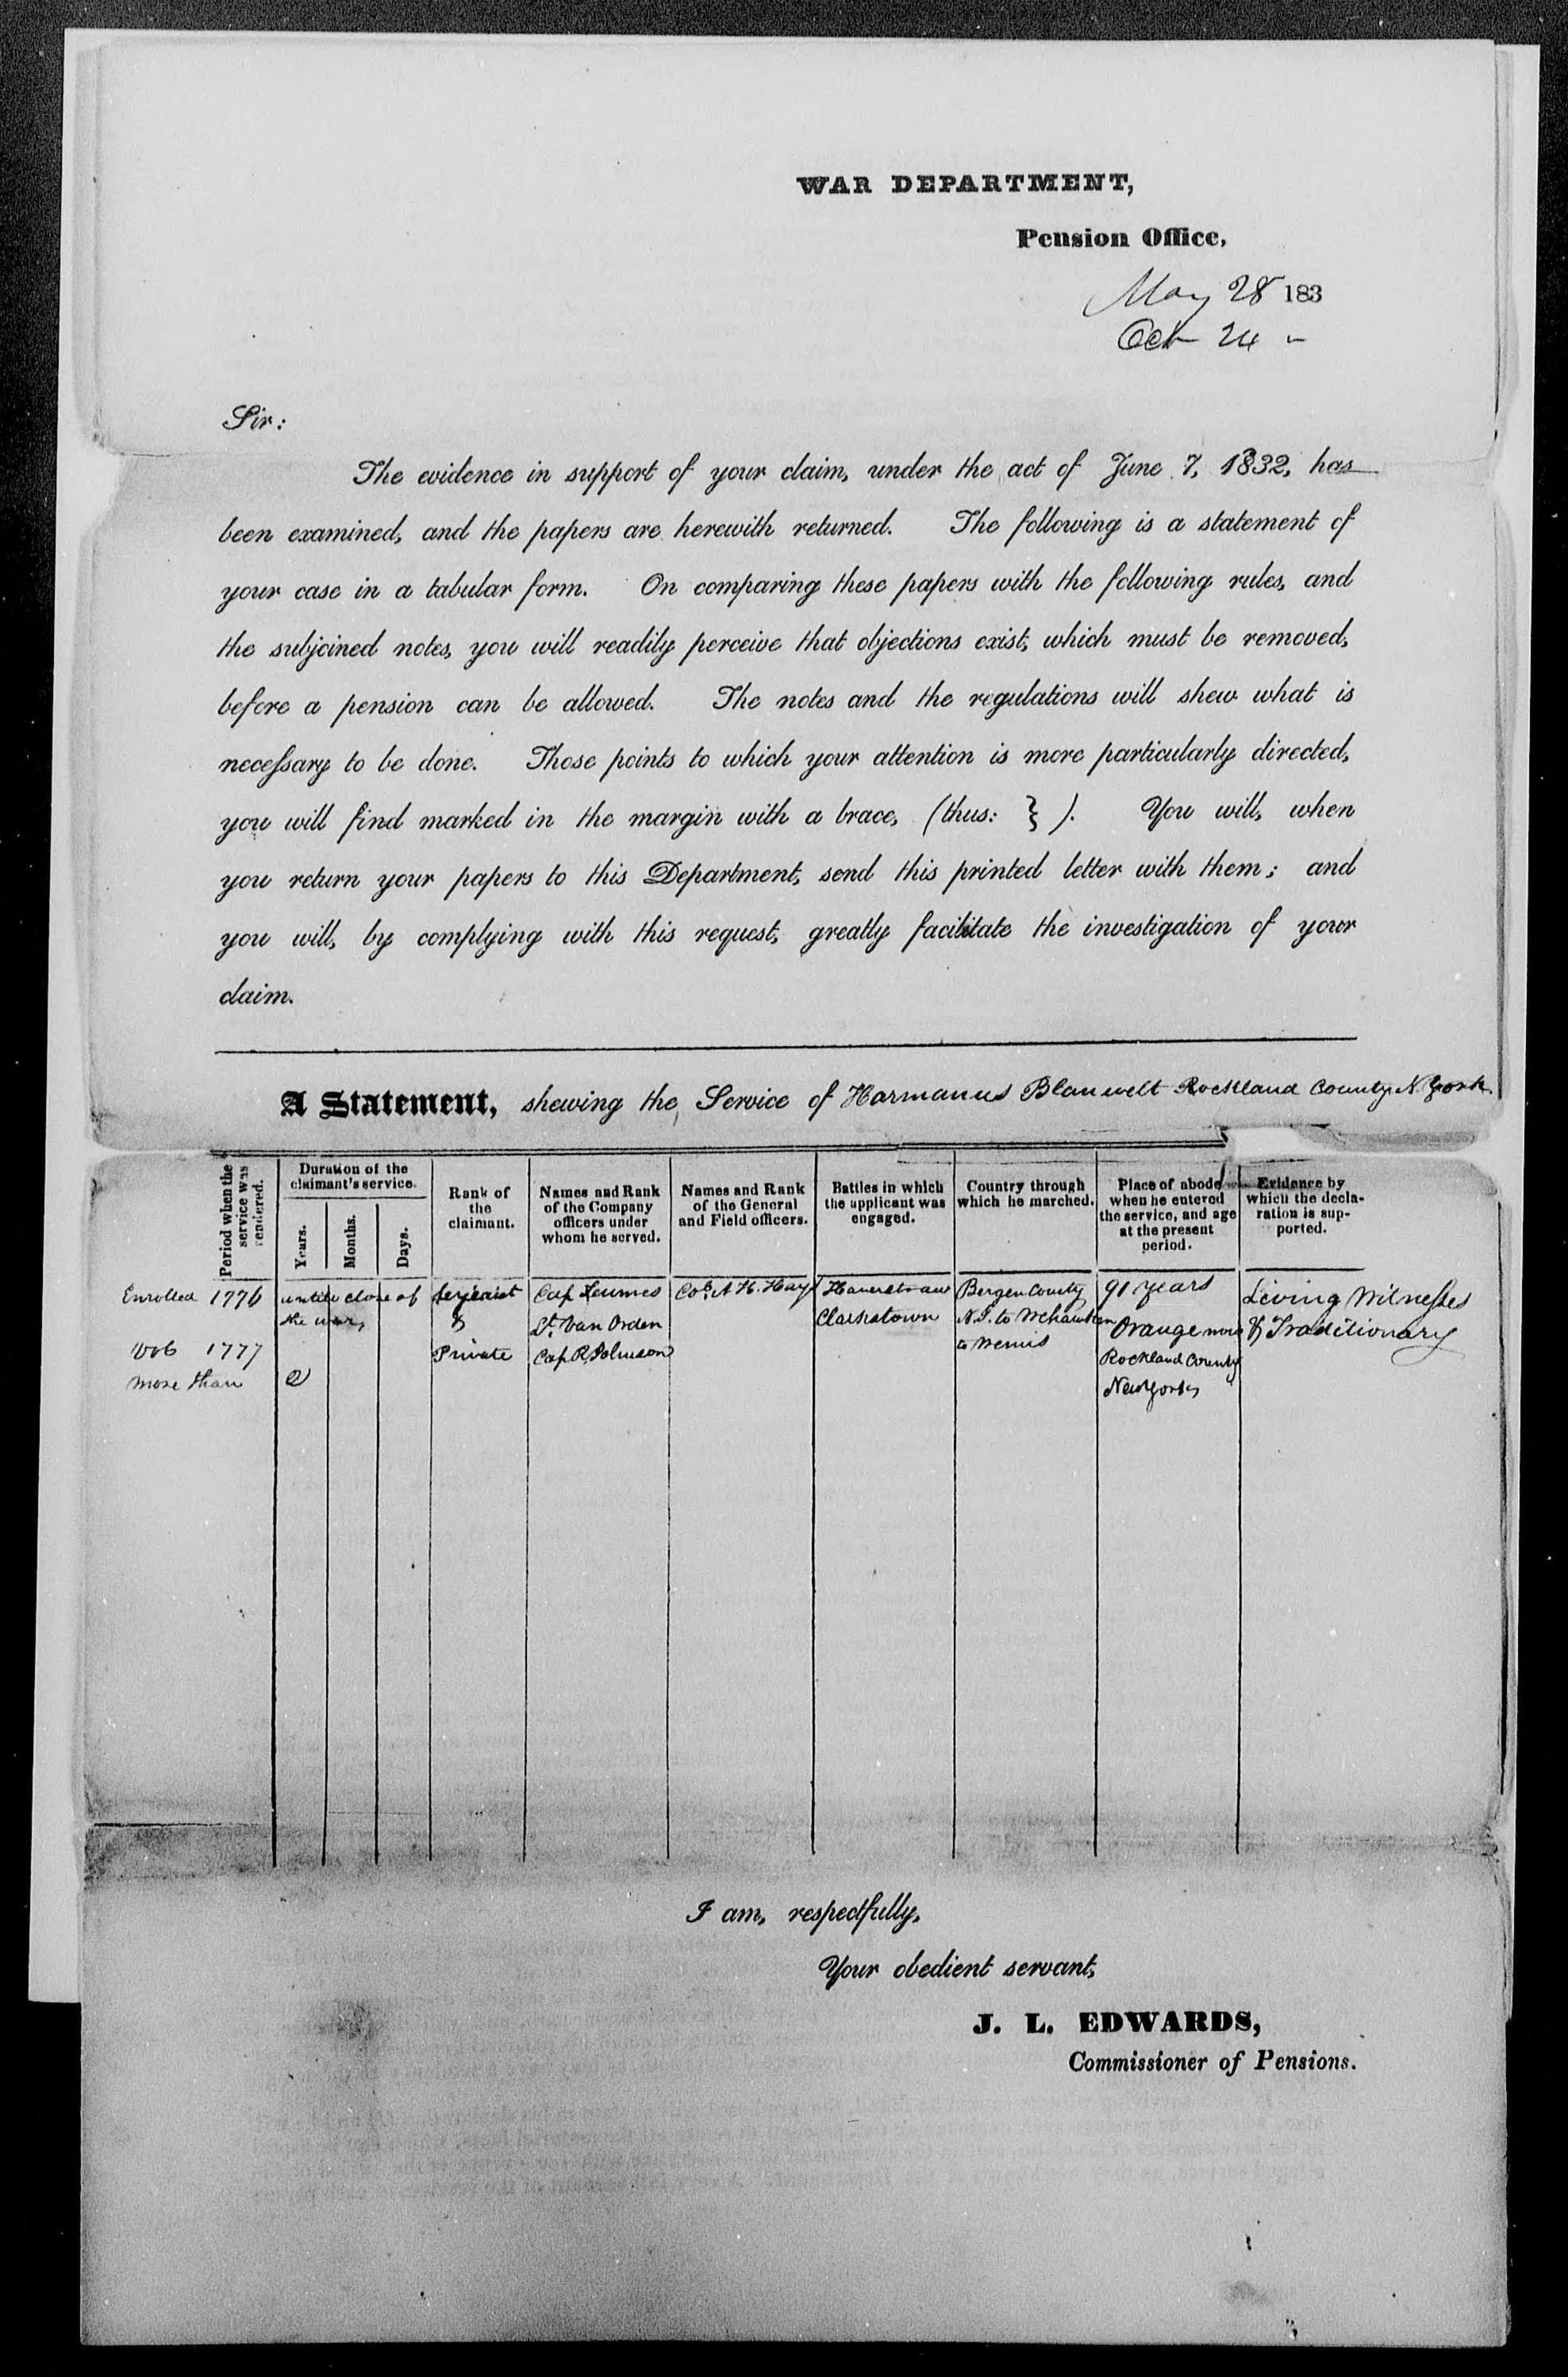War Department, Pension Office,
May 28 183_
Feb 24 "

Sir:
WAR DEPARTMENT,
Pension Office,
May 28 183
Oct 24 -
The evidence in support of your claim, under the act of June 7, 1832, has been examined, and the papers are herewith returned. The following is a statement of your case in a tabular form. On comparing these papers with the following rules, and the subjoined notes, you will readily perceive that objections exist, which must be removed before a pension can be allowed. the notes and the regulations will shew what is necessary to be done. Those points to which your attention is more particularly directed, you will find marked in the margin with a brace, (thus: }).
You will, when you return your papers to this Department, send this printed letter with them; and you will, by complying with this request, greatly facilitate the investigation of your claim.
1976
1777
more than
A Statement, shewing the Service of Harmanus Blauvelt Rockland County N. York

[TABLE]
Period when the service was rendered
Enrolled 1776
Vol 1777
more than

Duration of the
claimant's service.
Years. Months. Days.
untill close of the war

Rank of the claimant.
Serjeant & Private

Names and Rank of the Company officers under whom he served
 Cap Leumes
 Lt.  Van Order
 Cap R. Johnson

Names and of the General and Field officers.
Col A.H. Hay

Battles in which the applicant was engaged.
 Haverstraw
 Clarkstown

Country through which he marched.
 Bergen County N.J. to Wehawken to Mernis

Place of abode when he entered the service, and age at the present period.
┃ 91 years
┃ Orange
┃ Rockland County 
┃ New York

Evidence by which the declaration is supported 
Living Witnesses
& Traditionary

[END OF TABLE]

I am, respectfully,
Your obedient servant,
J. L. EDWARDS,
Commissioner of Pensions.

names: R Johnson, A H Hay, Van Orden, J L Edwards, Harmanus Blauvelt, Leumes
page: 9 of 33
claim: survivor's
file: S. 22,653, Harmanus Blauvelt, New York